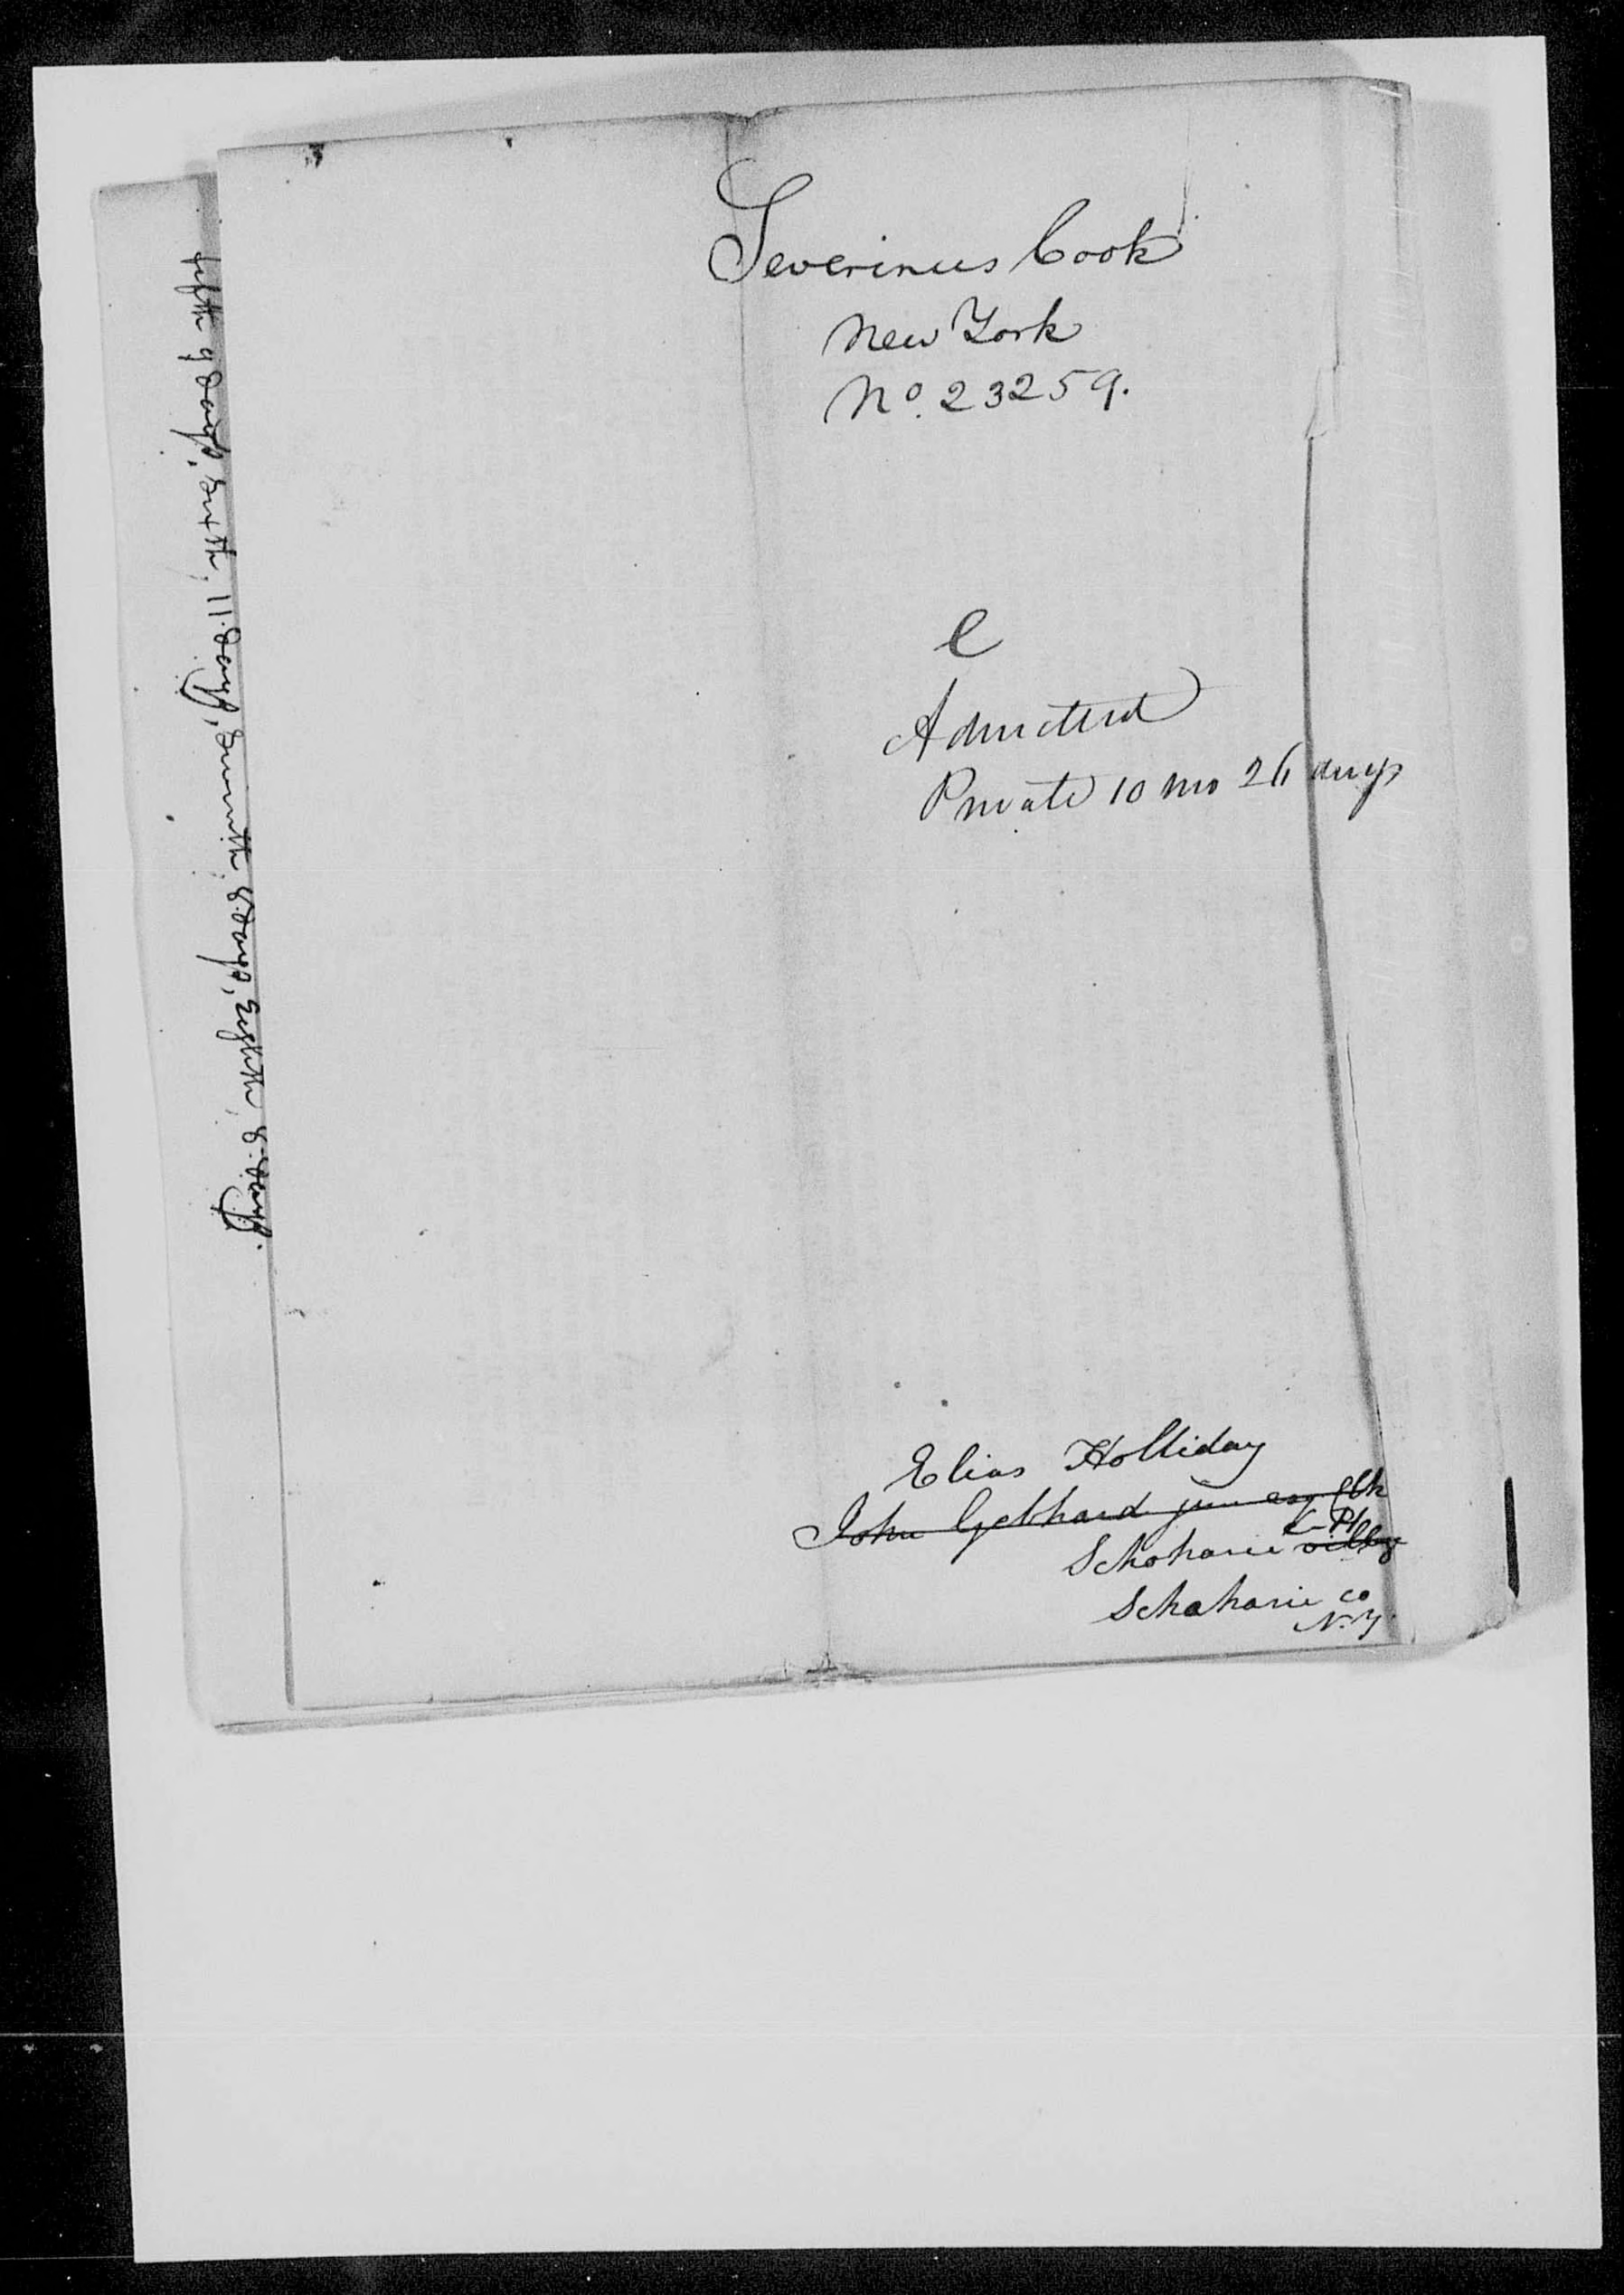Severinus Cook
New York
No. 23259

C
Admitted
Private 10 mo 26 days

Elias Holliday
Schoharie
Schoharie co
N.Y.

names: Elias Holliday, Severinus Cook, John Gebhard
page: 12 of 51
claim: survivor's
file: S. 12563, Severinus Cook, New York